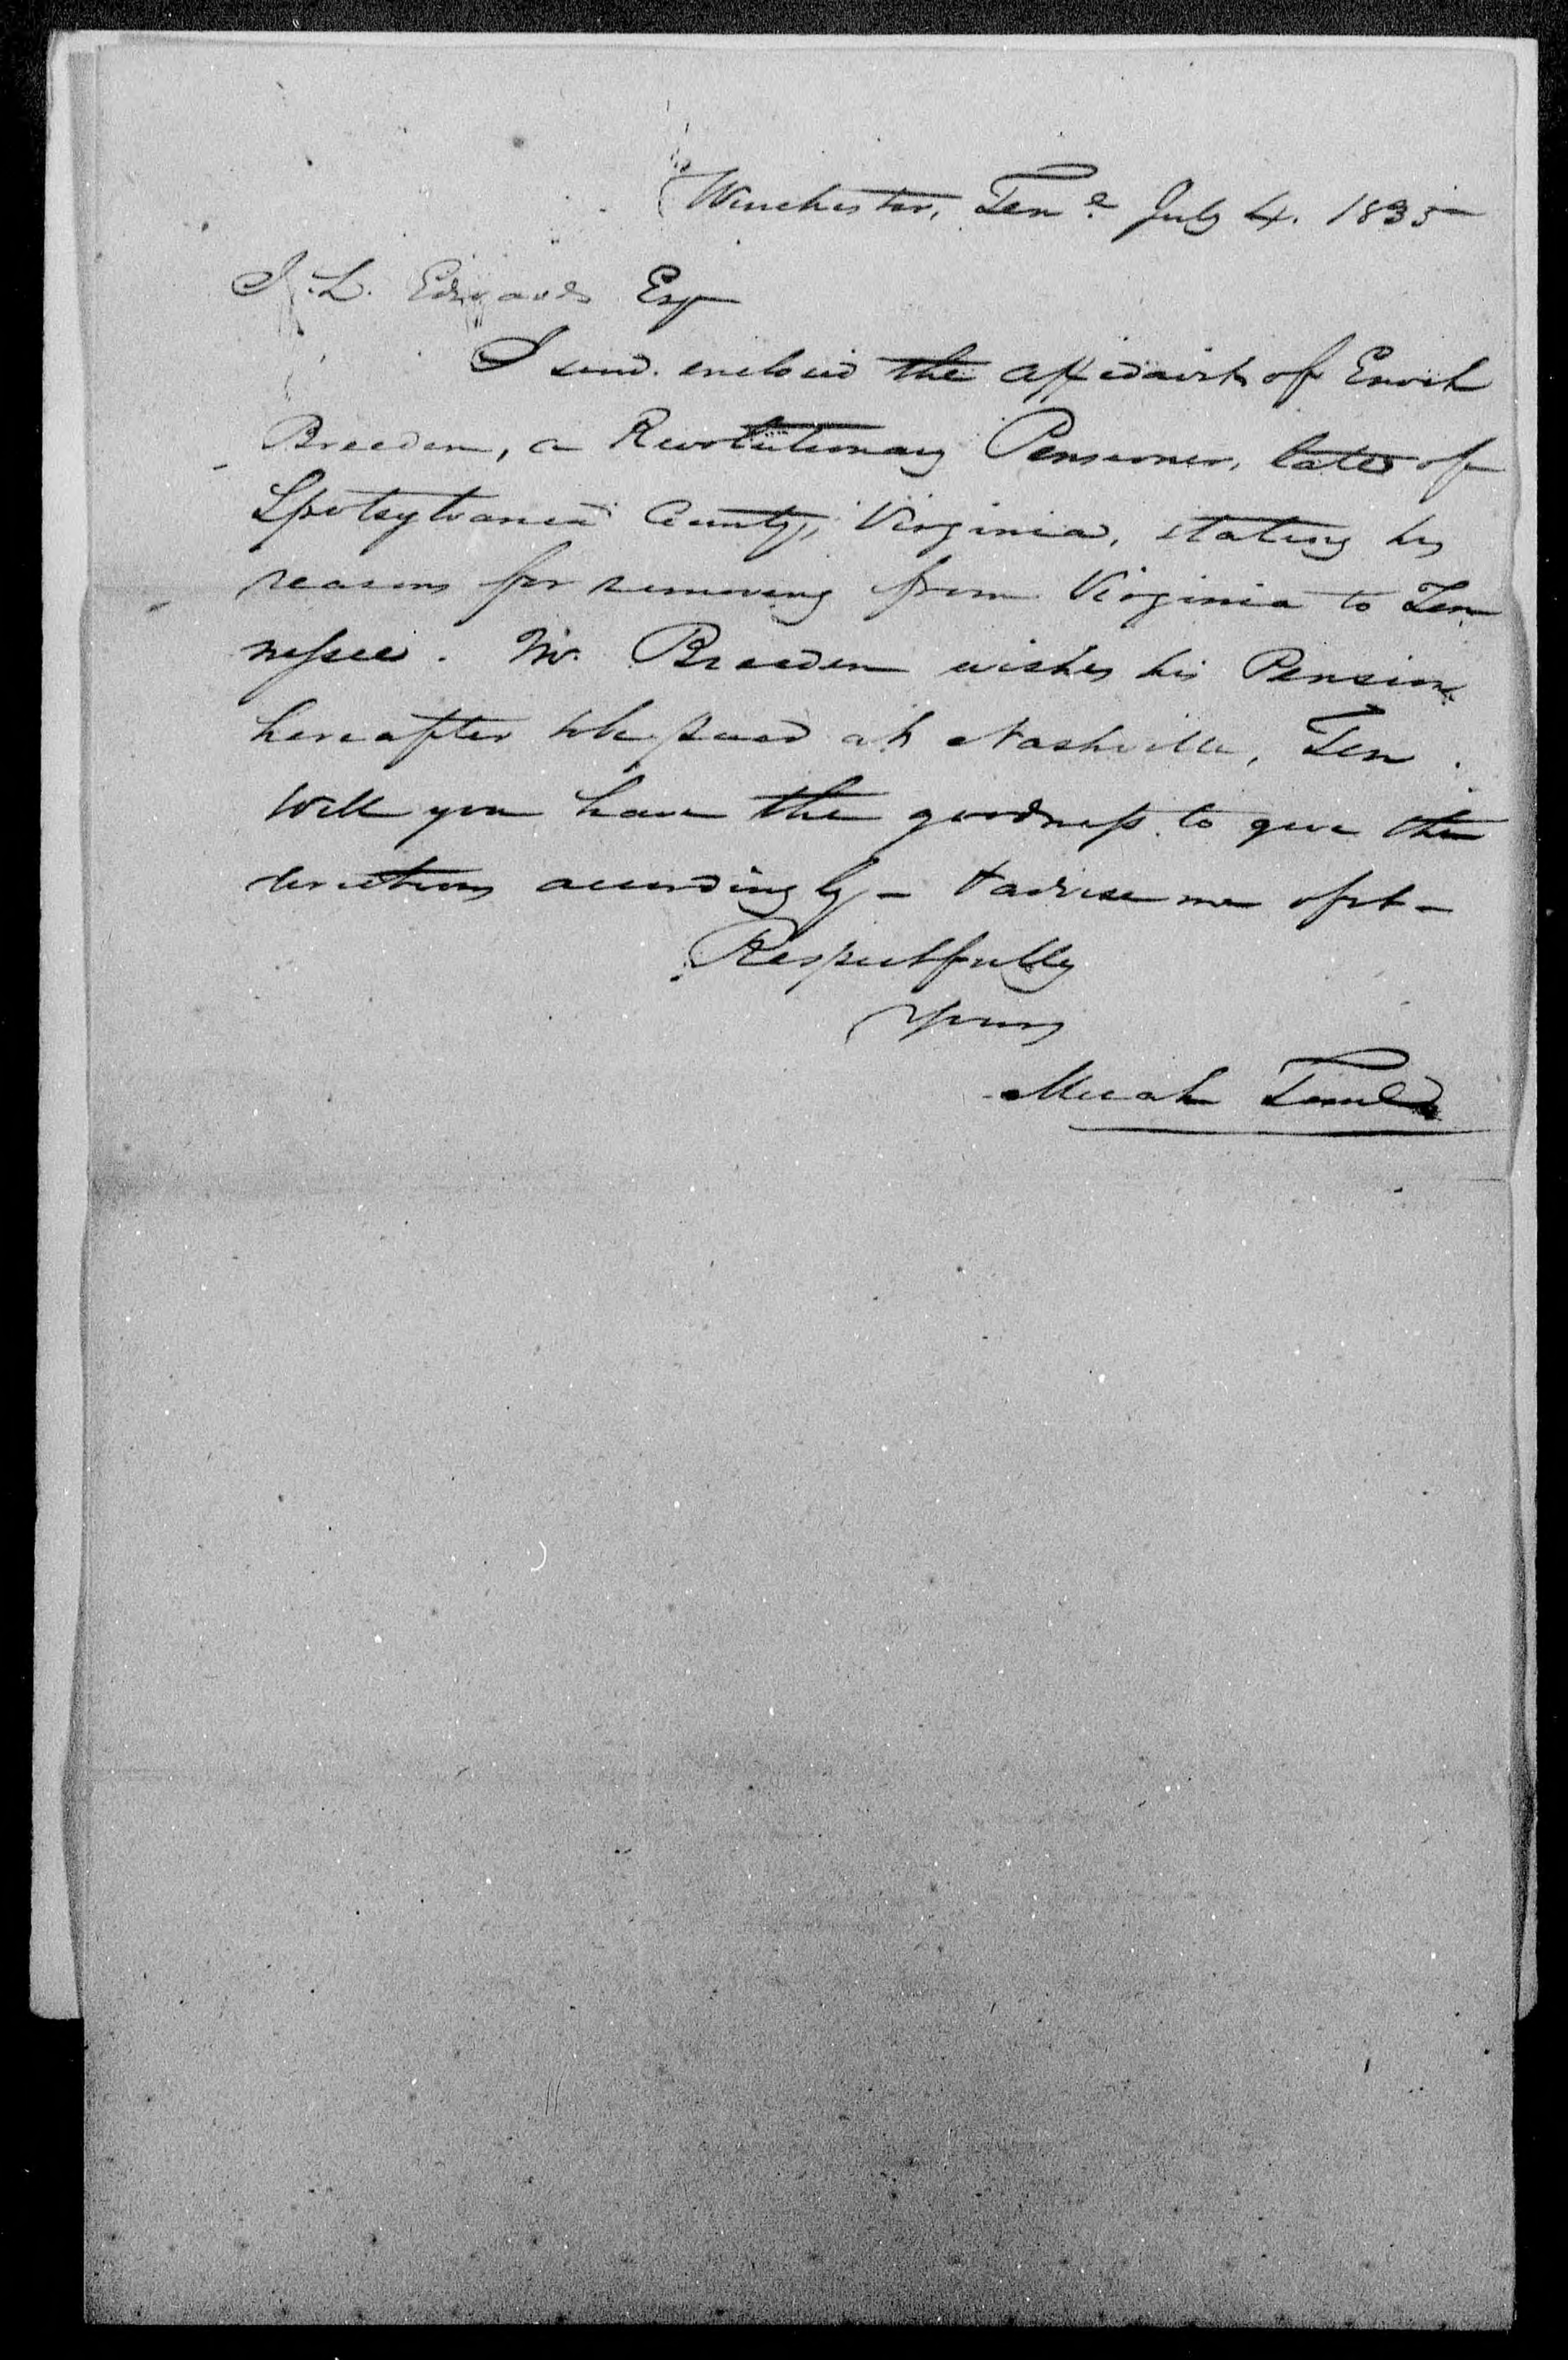Winchester, Tene July 4, 1835 
J. L. Edward Esq
I have enclosed the affidavit of Enoch Breeden, a Revolutionary Pensioner, late of Spotsylvania County, Virginia, stating his reasons for removing from Virginia to Ten nessee. Mr. Breeden wishes his pension hereafter be paid at Nashville, Ten. Will you have the goodness to give the directions accordingly. & [?]
Respectfully 
Yours 
Micah[?] T[?]l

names: J L Edwards, Breeden, Micah Time, Enoch Breeden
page: 18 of 27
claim: survivor's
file: S. 1747, Enoch Breeden, Va.